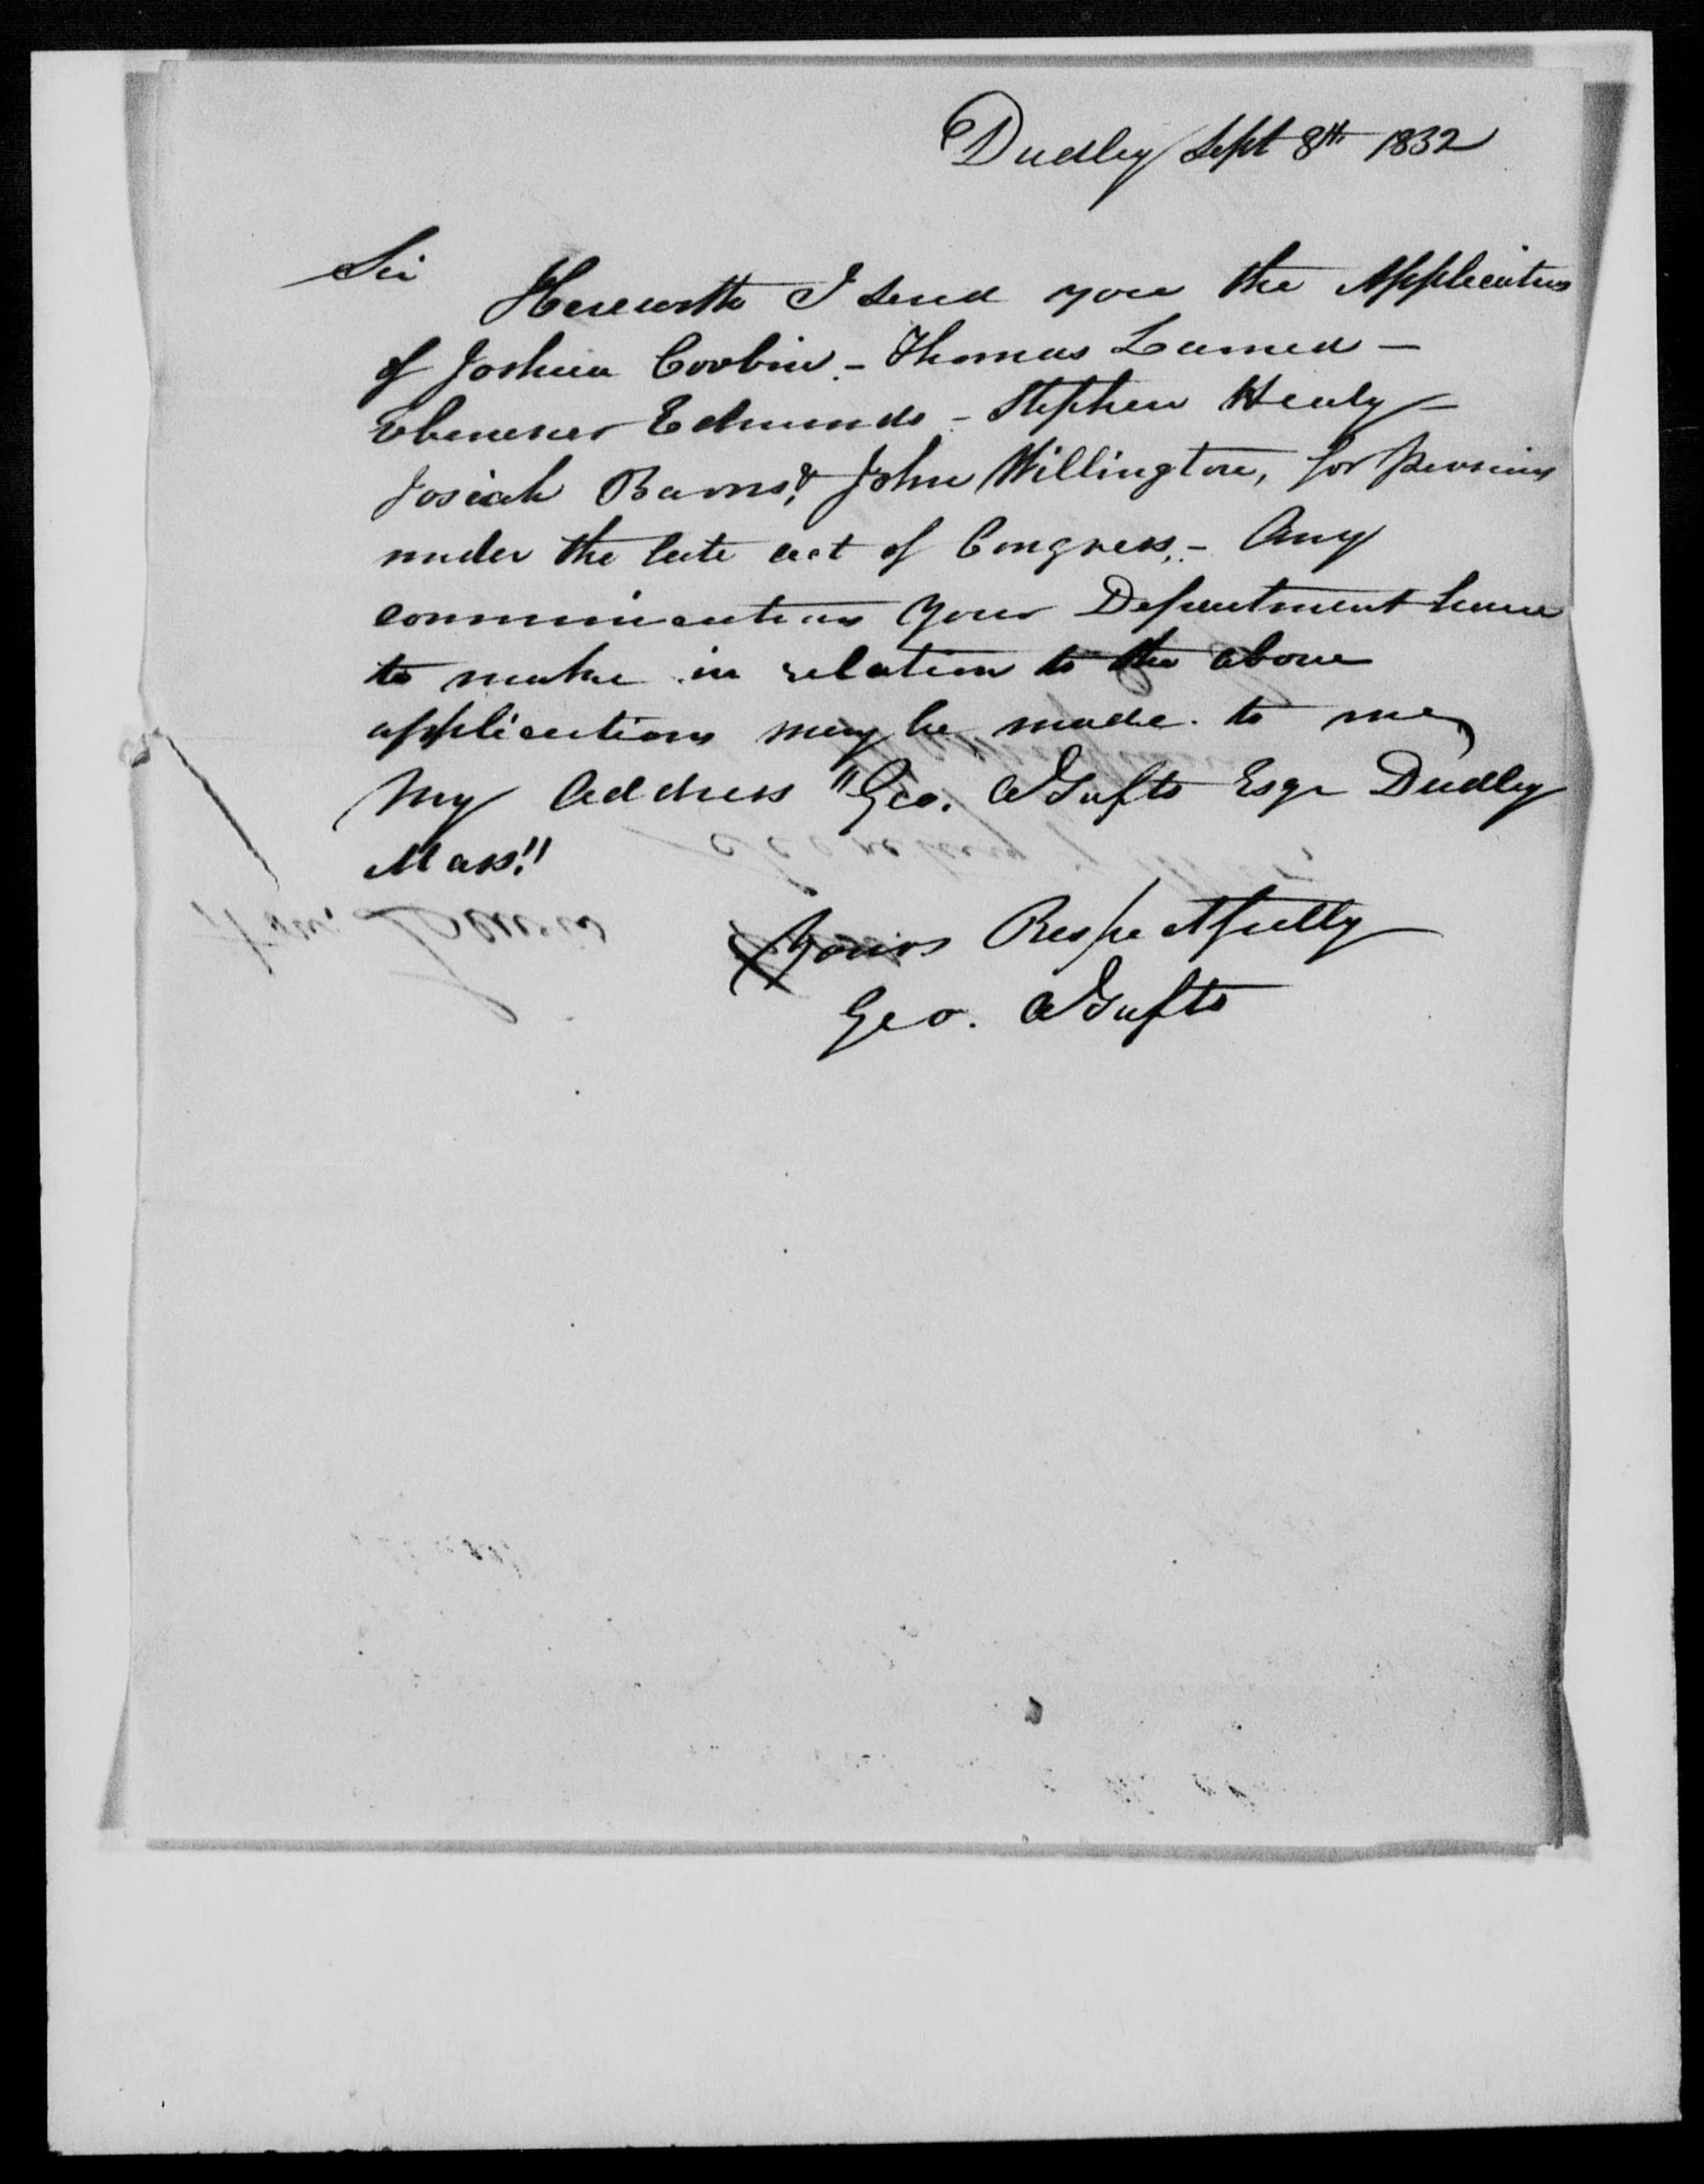Dudley Sept 8th 1832
Sir Herewith I send you the application of Joshua Corbin- Thomas Larned- Ebenezer Edmonds- Stephen Healy- Josiah Barns & John Willington, for pensions under the (illegible) act of Congress,.- Any communications your Department have to make in relation to the above applications may be made. to (illegible) my address "Geo. A Tufts esqr Dudley Mass." Yours Respectfully Geo. A Tufts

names: Geo A Tufts, Josiah Barns, Thomas Larned, Joshua Corbin, Geo A Tufts, Ebenezer Edmonds, John Willington, Stephen Healy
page: 30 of 34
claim: survivor's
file: S. 12581, Joshua Corbin, Mass.